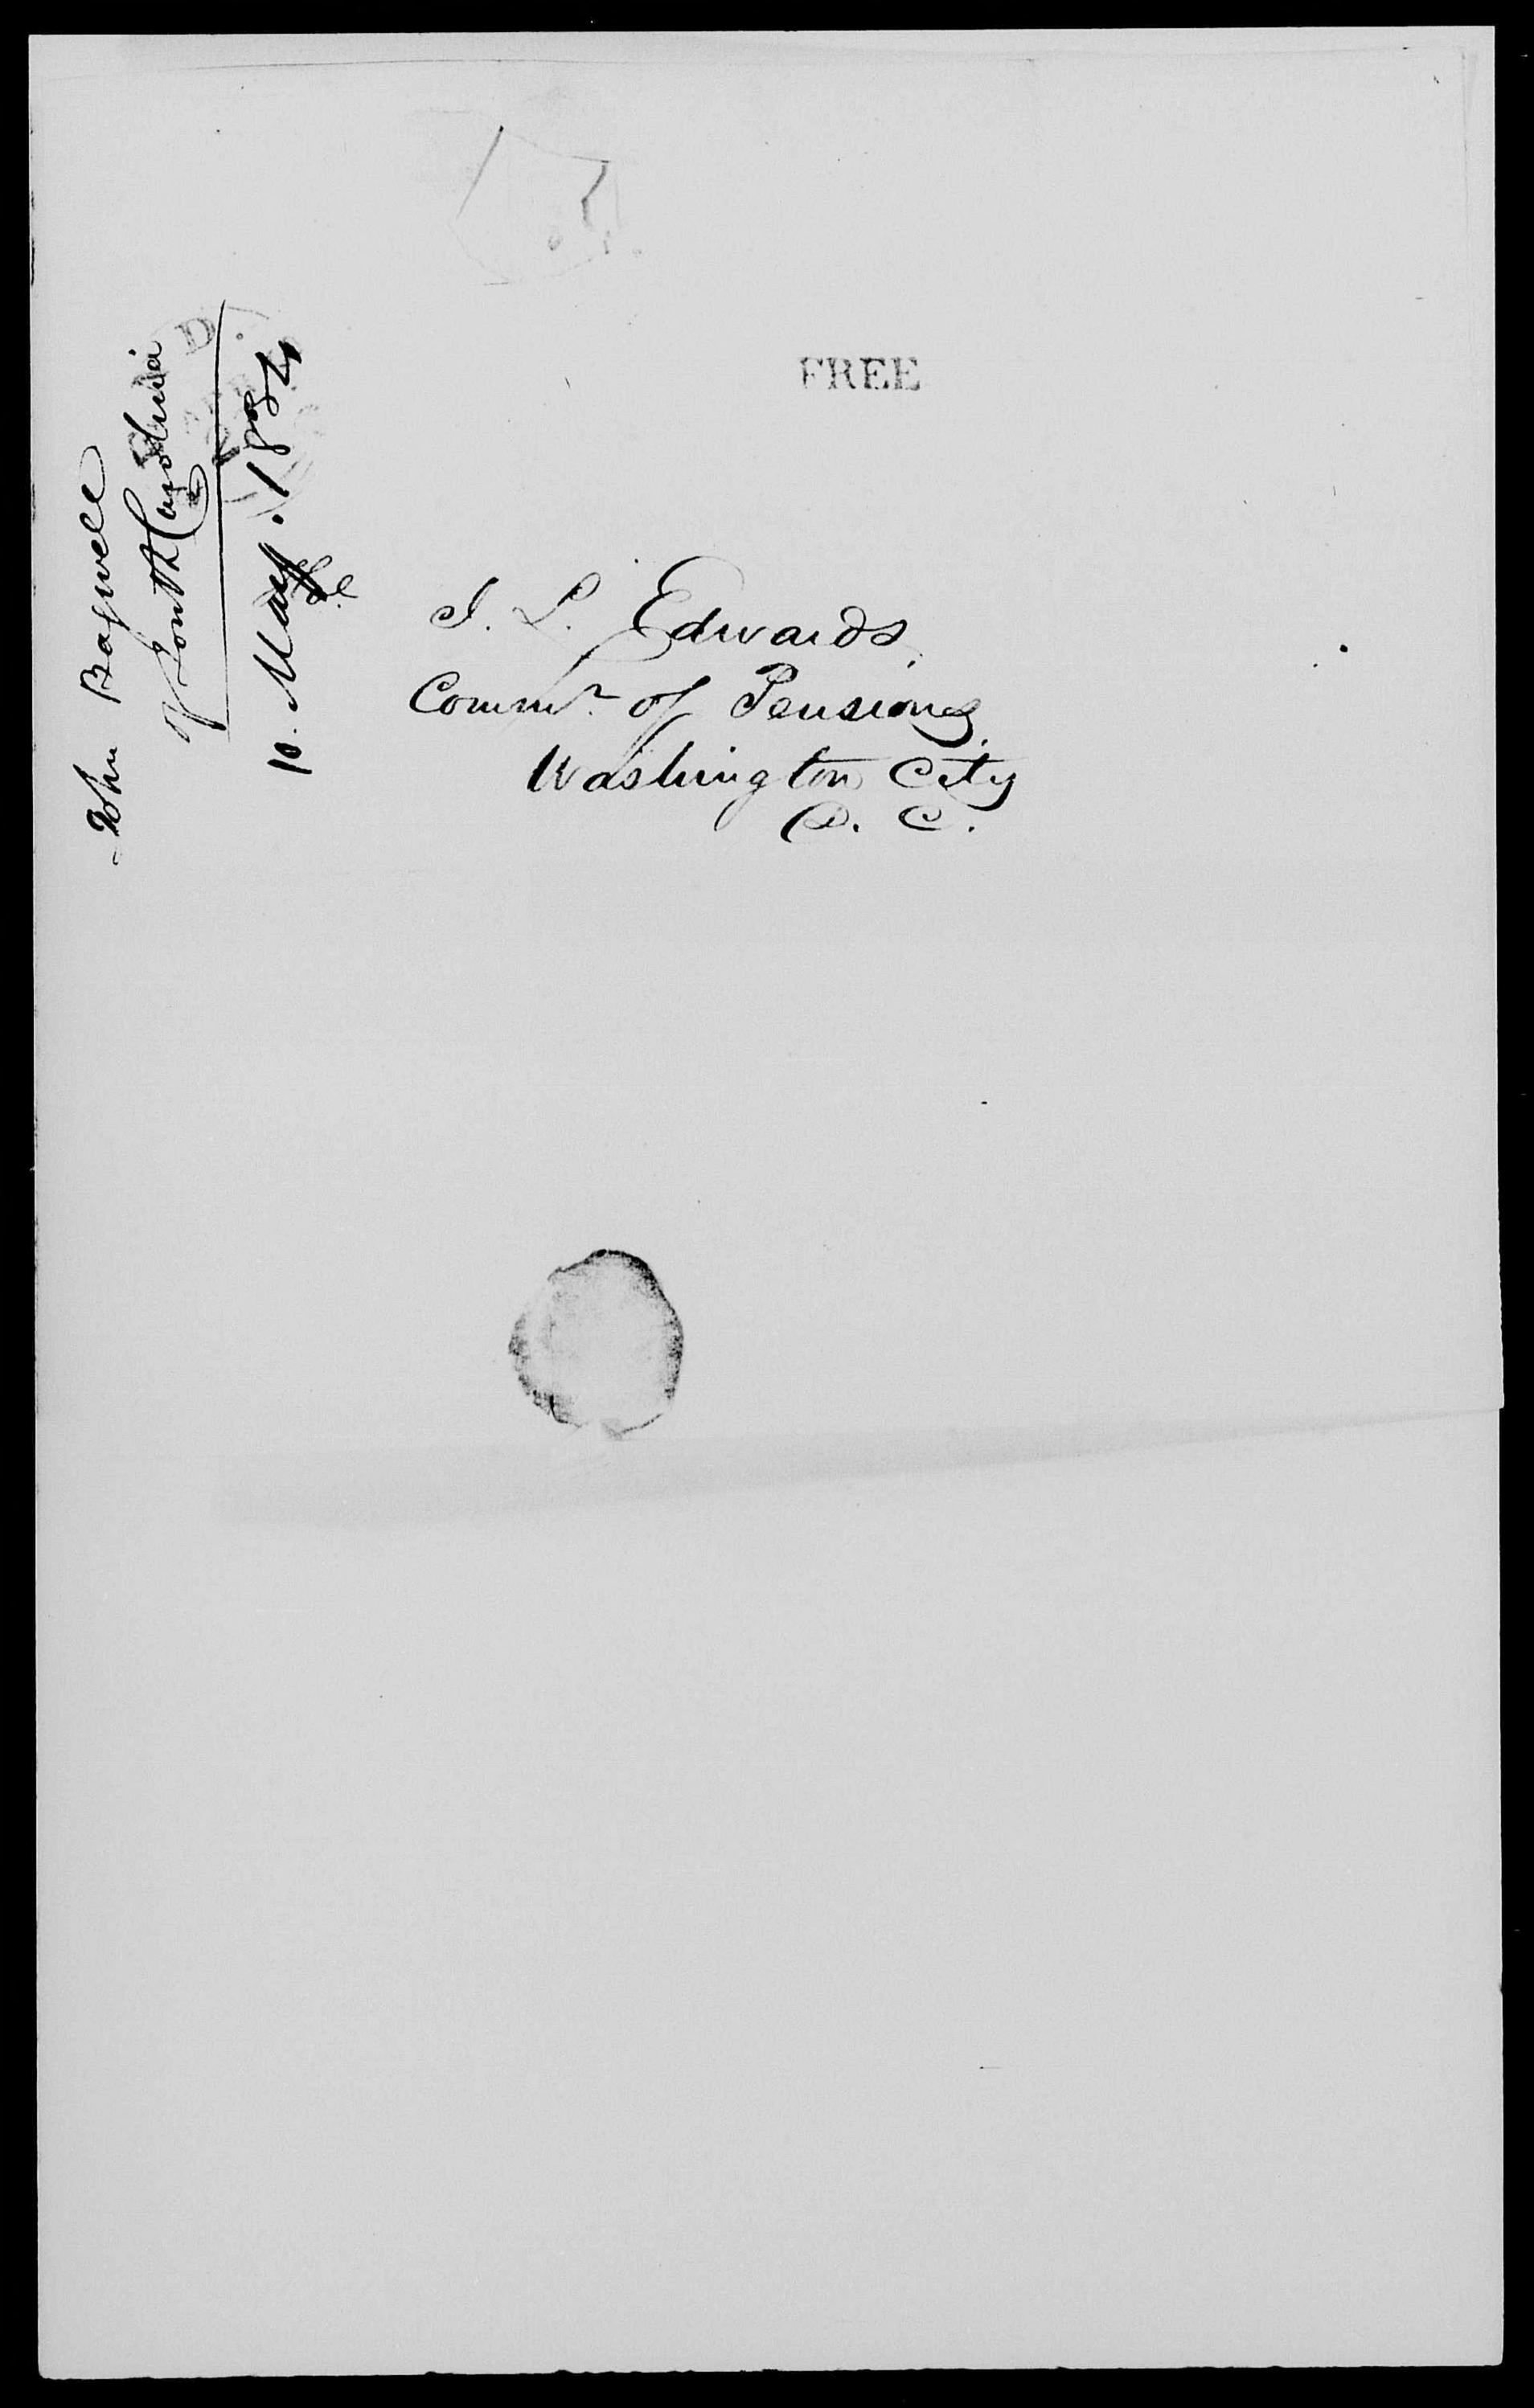John Bagwell
of South Carolina
10 May [  ]
FREE
J.L. Edwards
Commr of Pensions
Washington City
D.C.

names: J L Edwards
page: 26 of 36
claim: survivor's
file: S 6571, John Bagwell, N.C.